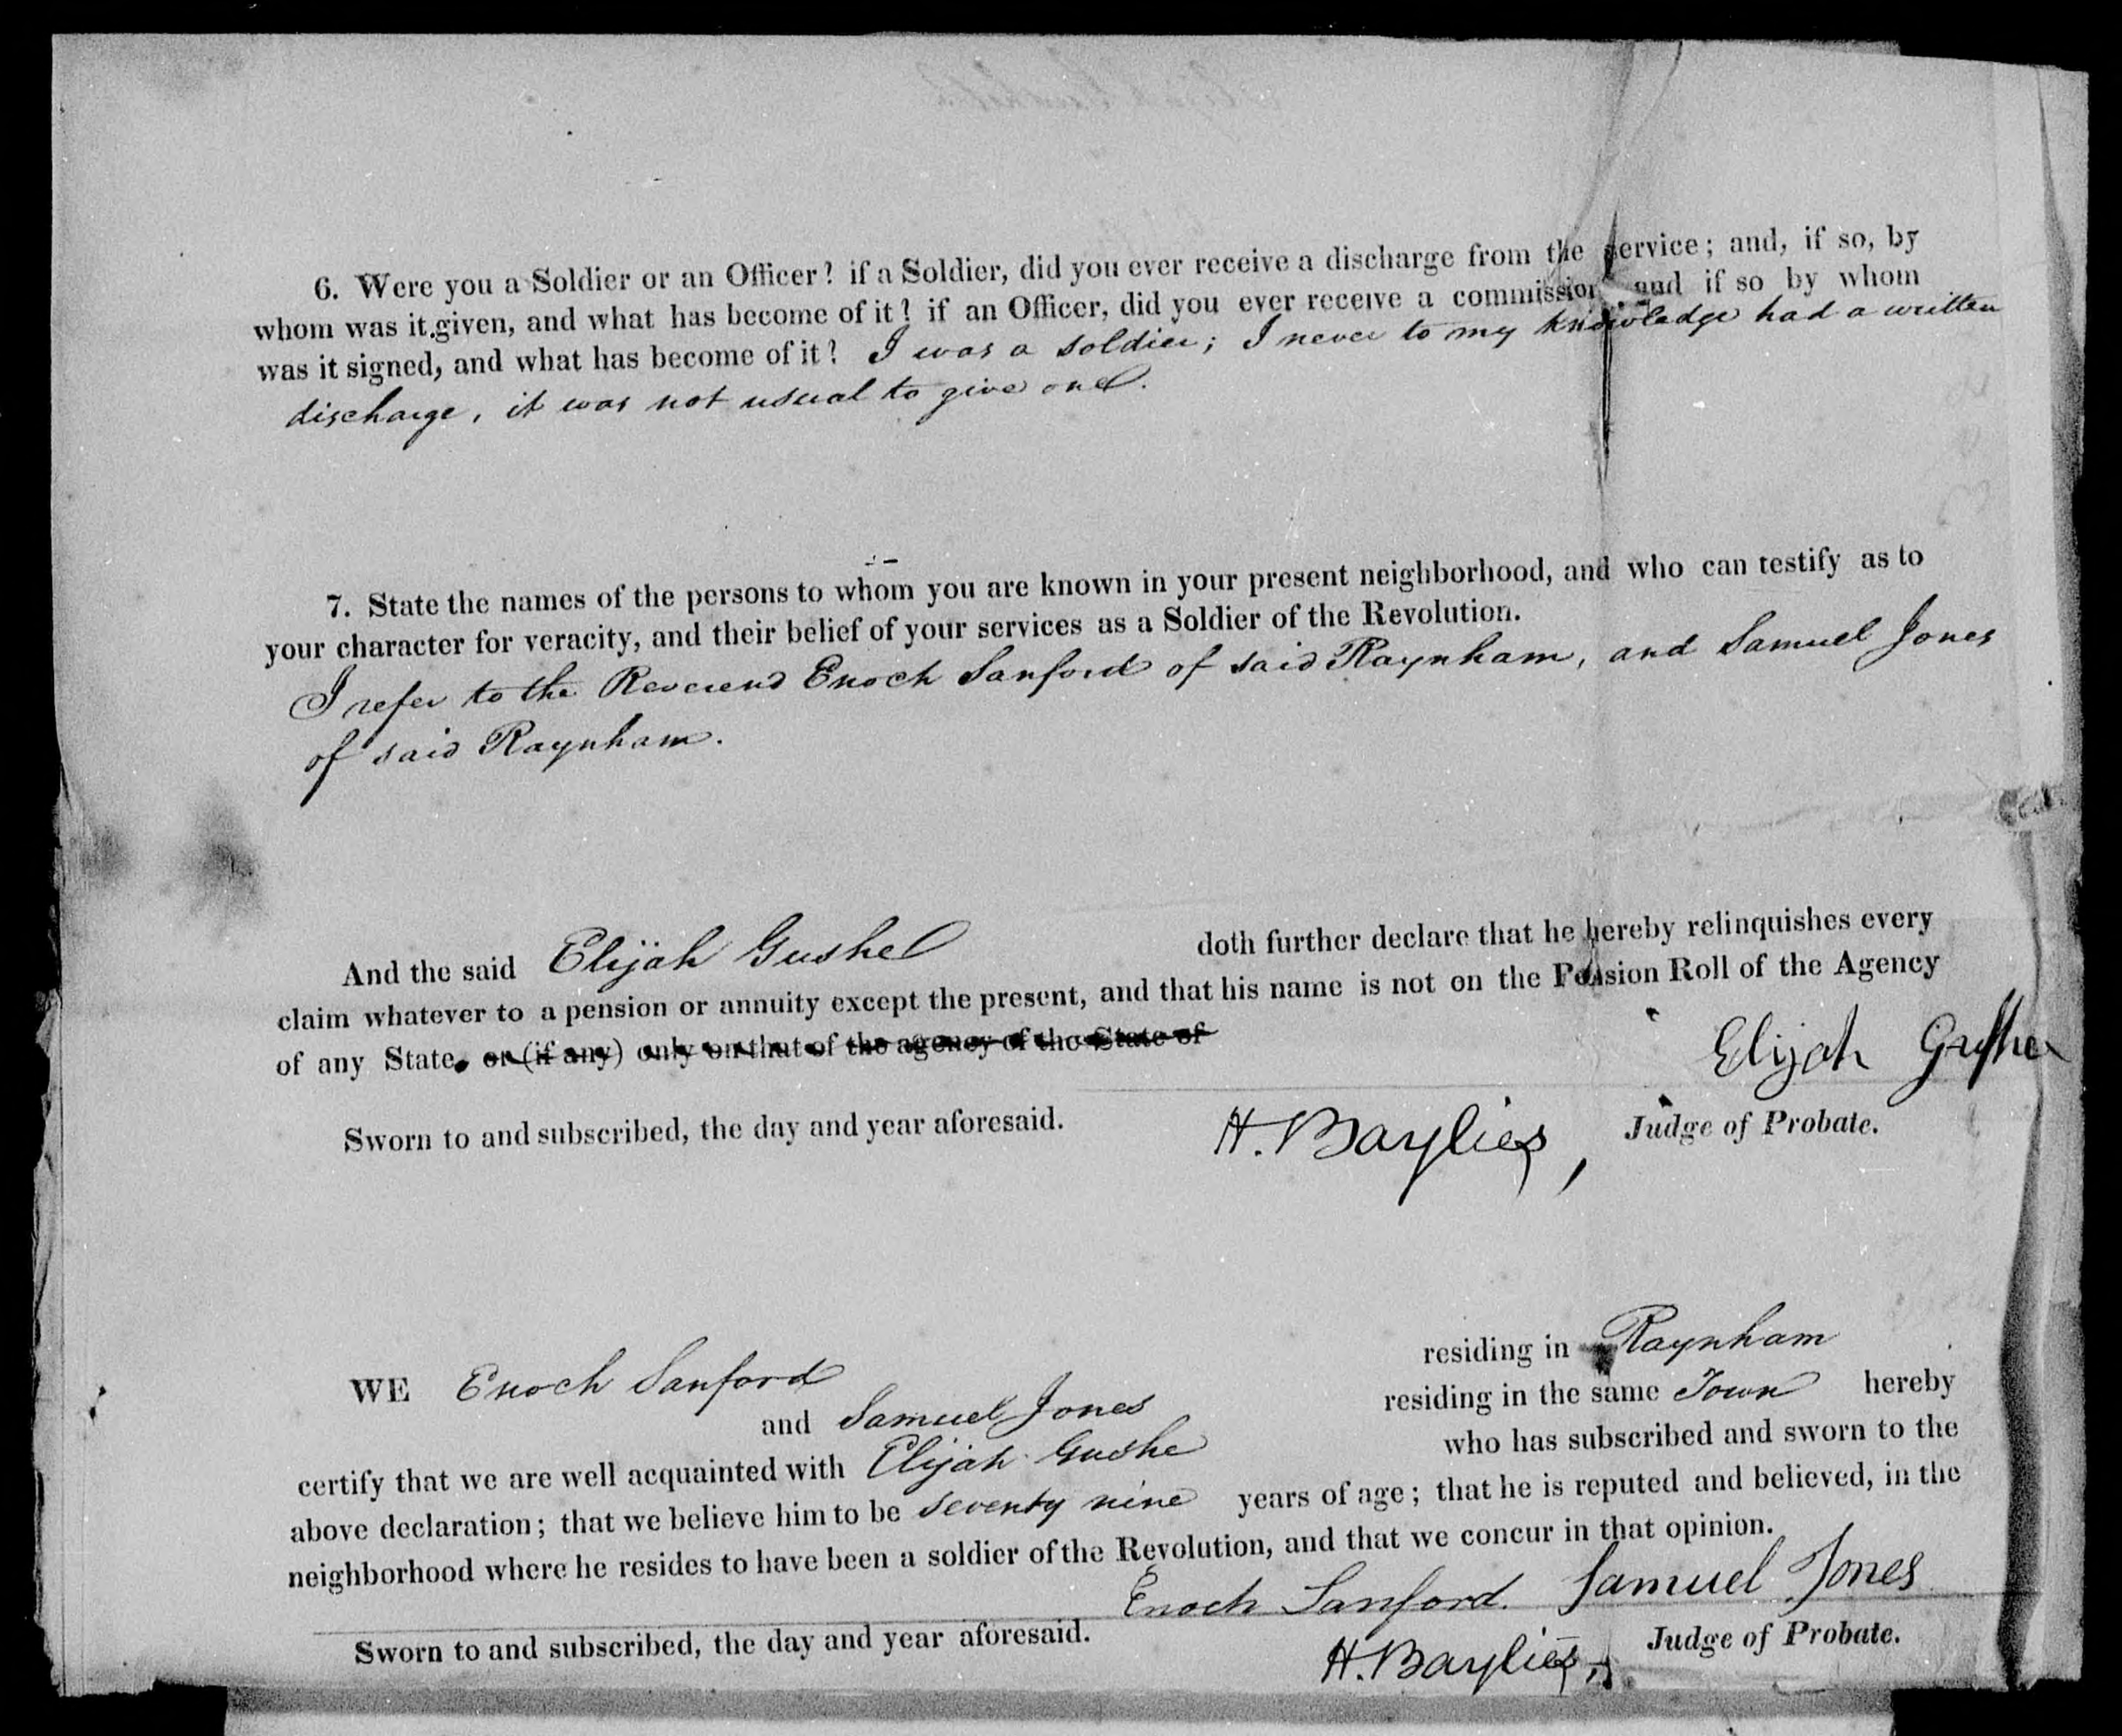6. Were you a Soldier or an Officer? if a Soldier, did you ever receive a discharge from
whom was it given, and what has become of it? if an officer, did you ever receive a commission and if so, by whom was it signed, and what has 
become of it? I was a soldier; I never to my knowledge had a written discharge, it was not usual to give one

7. State the names of the persons to whom you are known in your present neighborhood, and
your character for veracity, and their belief of your services as a Soldier of the Revolution.
I refer to the Reverend Enoch Sanford of said Raynham and Samuel Jones of said Raynham

And the said Elijah Gushe doth further declare that he hereby relinquishes every claim whatever to a pension or annuity except the present, and that his name is not on the Pension Roll of the Agency of any State, or (if any) only one of the agency of the State of
Signature of Elijah Grisham

Sworn to and subscribed, the day and year aforesaid.
H. Baylie, Judge of Probate. 

We Enoch Sanford residing in Rayham and Samuel Jones residing in the same town hereby certify that we are well acquainted with Elijah Gushewho subscribed and sworn to the above  declaration; that we believe him to be seventy nine years of age; that he is reputed and believed, in the neighborhood where he resides to have been a soldier of the Revolution, and that we concur in that opinion.
Signatures of Enoch Sanford Samuel Jones

Sworn to and subscribed, the day and year aforesaid. 
H. Baylies
Judge of Probate.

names: Samuel Jones, Enoch Sanford, Enoch Sanford, Samuel Jones, Elijah Gushe, Enoch Sanford, Elijah Gushe, Samuel Jones, Elijah Gushe, H Baylies, H Baylies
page: 9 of 36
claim: widow's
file: W. 8838, Elijah Gushee, Mass.